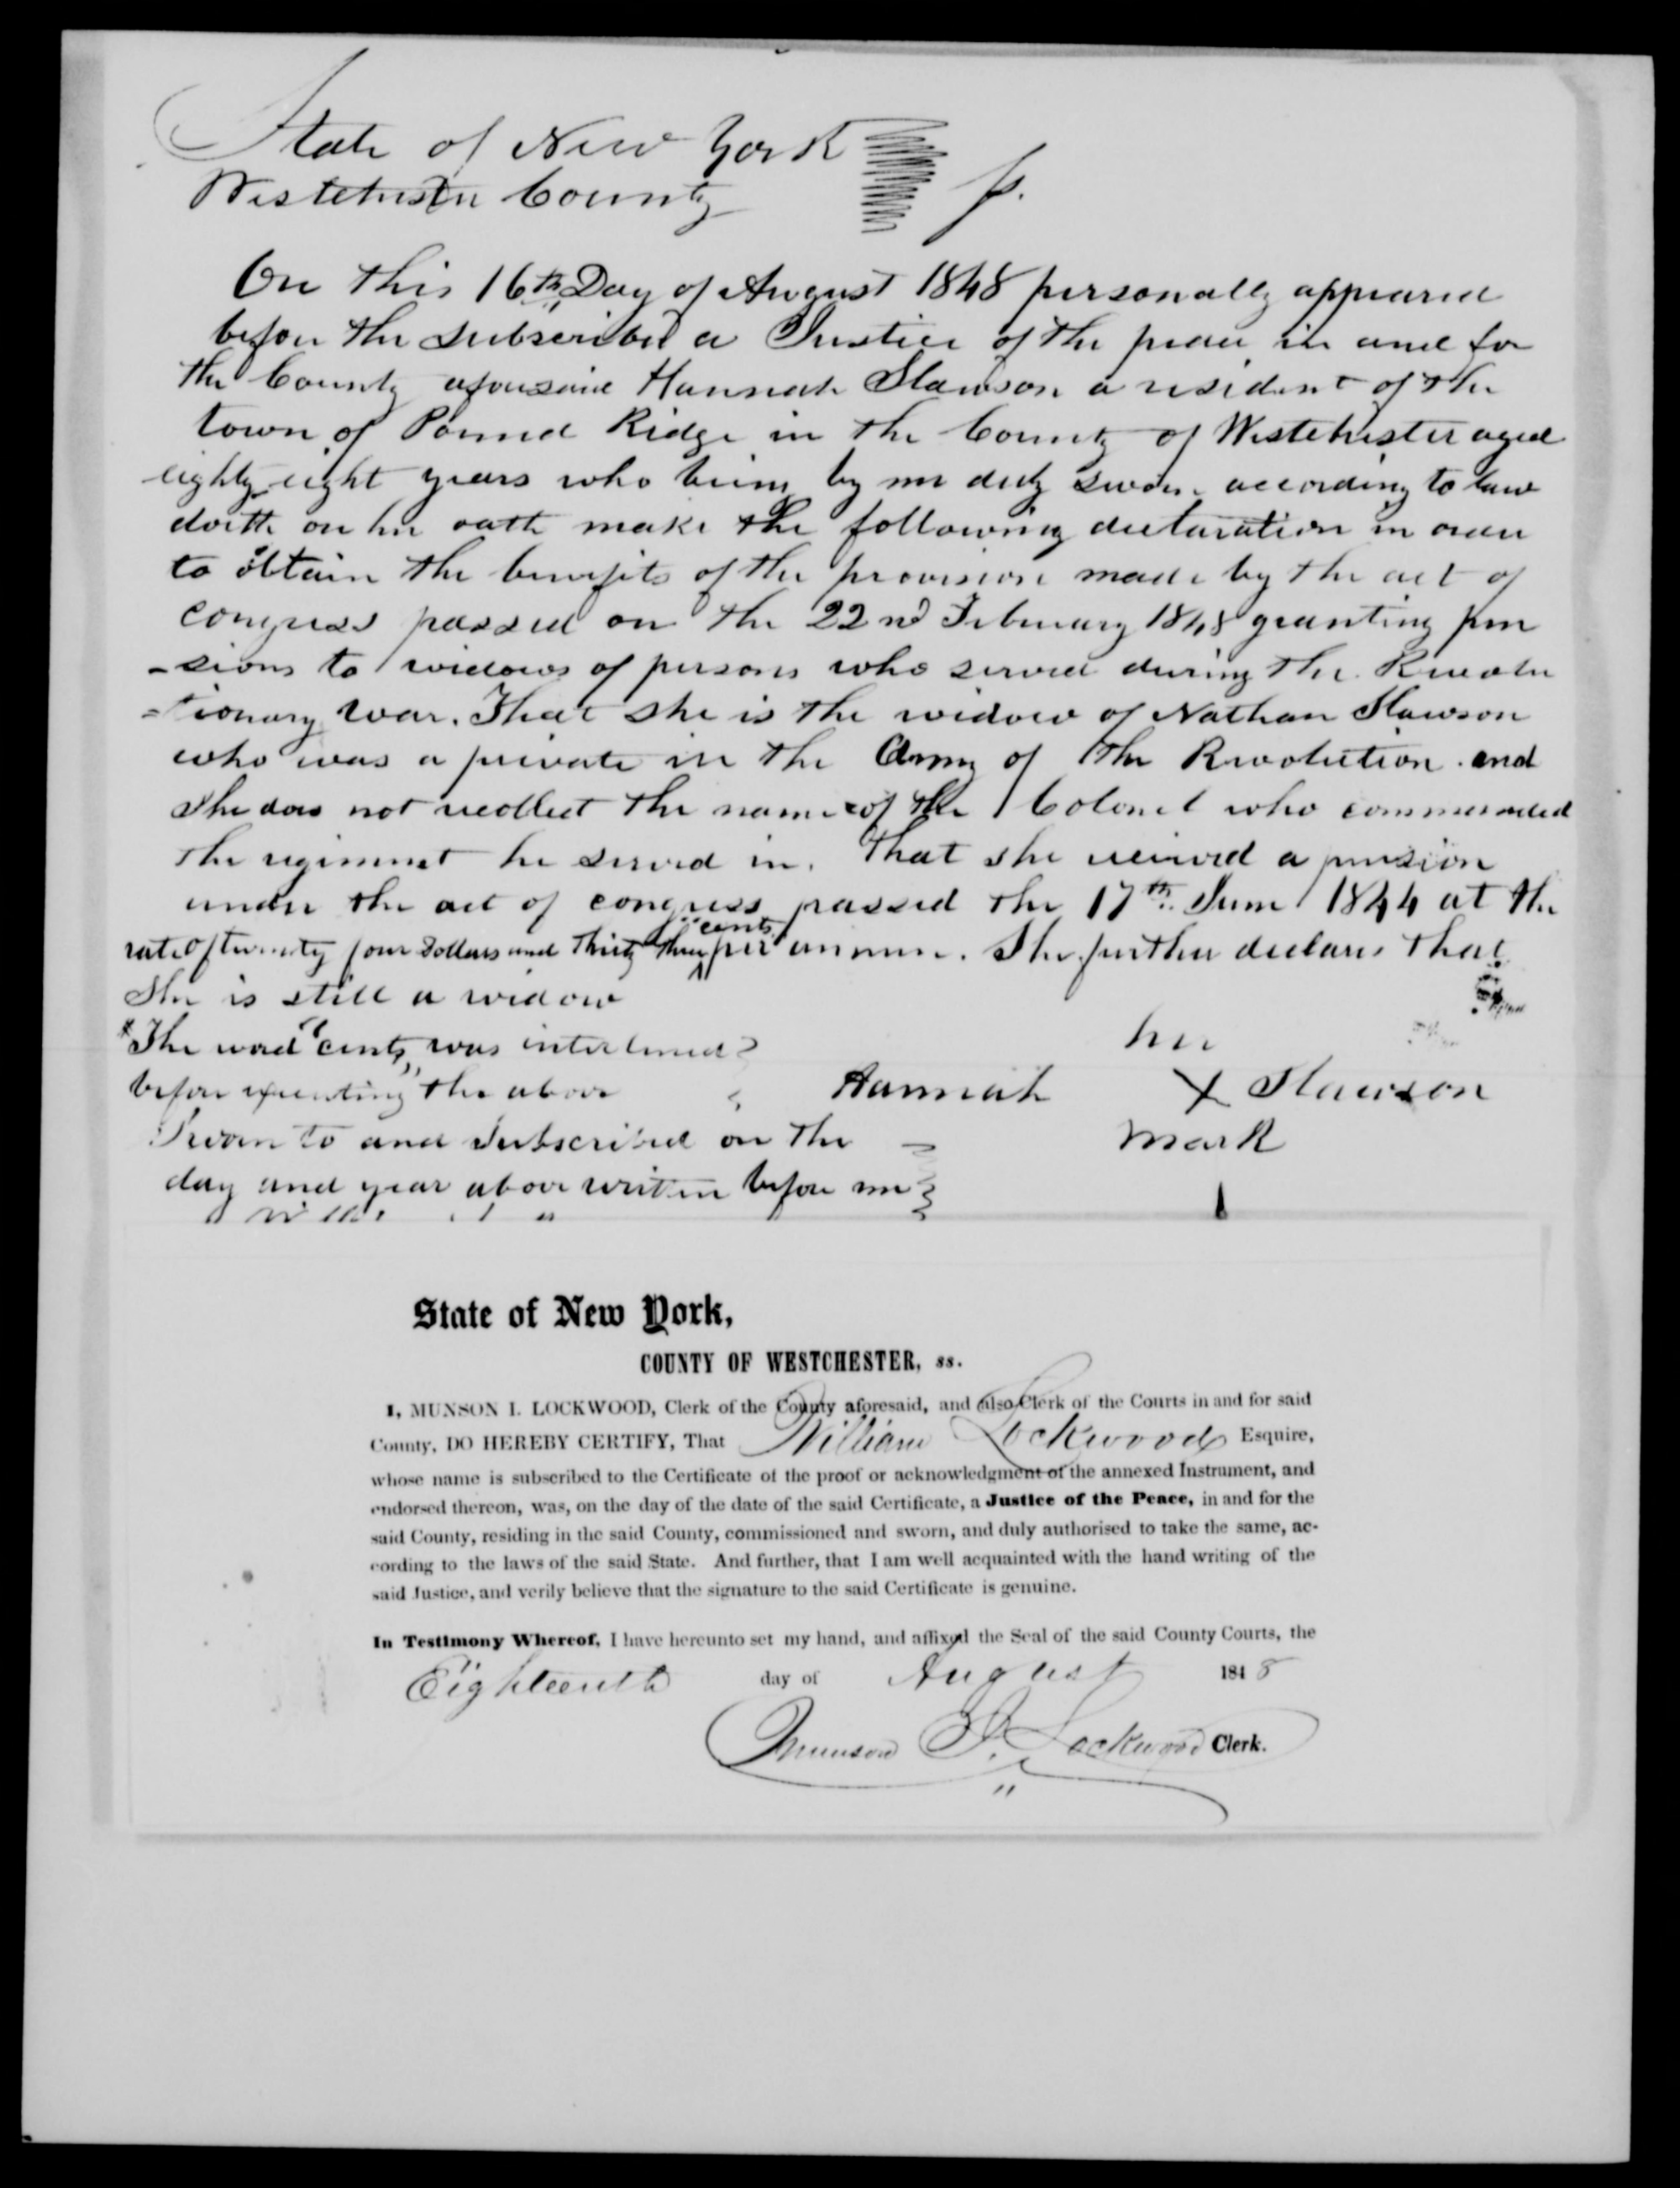State of New York 
Westchester County }ss On this 16th day of August 1848 personally appeared before the subscriber a Justice of the peace in and for the County aforesaid Hannah Slawson a resident of the town of Pound Ridge in the County of Westchester aged eighty eight years who being by me duly sworn according to law doth on her oath make the following declaration in order to obtain the benefits of the provision made by the act of Congress passed on the 22nd February 1848 granting pensions to widows of persons who served during the Revolutionary war. That she is the widow of Nathan Slawson who was a private in the Army of the Revolution and she does not recollect the name of the Colonel who commanded the regiment he served in.  That she received a pension under the act of congress passed the 17th June 1844 at the rate of twenty four dollars and thirty three cents. She further declares that she is still a widow.  
* The word cents was interlined before executing the above 
Hannah Slawson her mark  
Sworn to and subscribed on the day and year above written before me 
William [unreadable]
State of New York, 
COUNTY OF WESTCHESTER, ss. 
I MUNSON I. LOCKWOOD, Clerk of the County aforesaid, and also Clerk of the Court in and for said County, DO HEREBY CERTIFY, That William Lockwood Esquire, whose name is subscribed to the Certificate of the proof or acknowledgment of the annexed Instrument, and endorsed thereon, was, on the day of the date of the said Certificate, a Justice of the Peace, in and for the said County, residing in the said County, commissioned and sworn, and duly authorised to take the same, according to the laws of the said State. And further, that I am well acquainted with the hand writing of the said Justice, and verily believe that the signature to the said Certificate is genuine. 
In Testimony Whereof, I have hereunto set my hand, and affixed the Seal of the said County Courts, the Eighteenth day of August 1848 
Munson I Lockwood Clerk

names: Nathan Slawson; William Lockwood; Munson I Lockwood; J Lockwood; Hannah Slawson; Hannah Slawson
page: 66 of 87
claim: widow's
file: W. 22,226, for Nathan Slawson, Connecticut